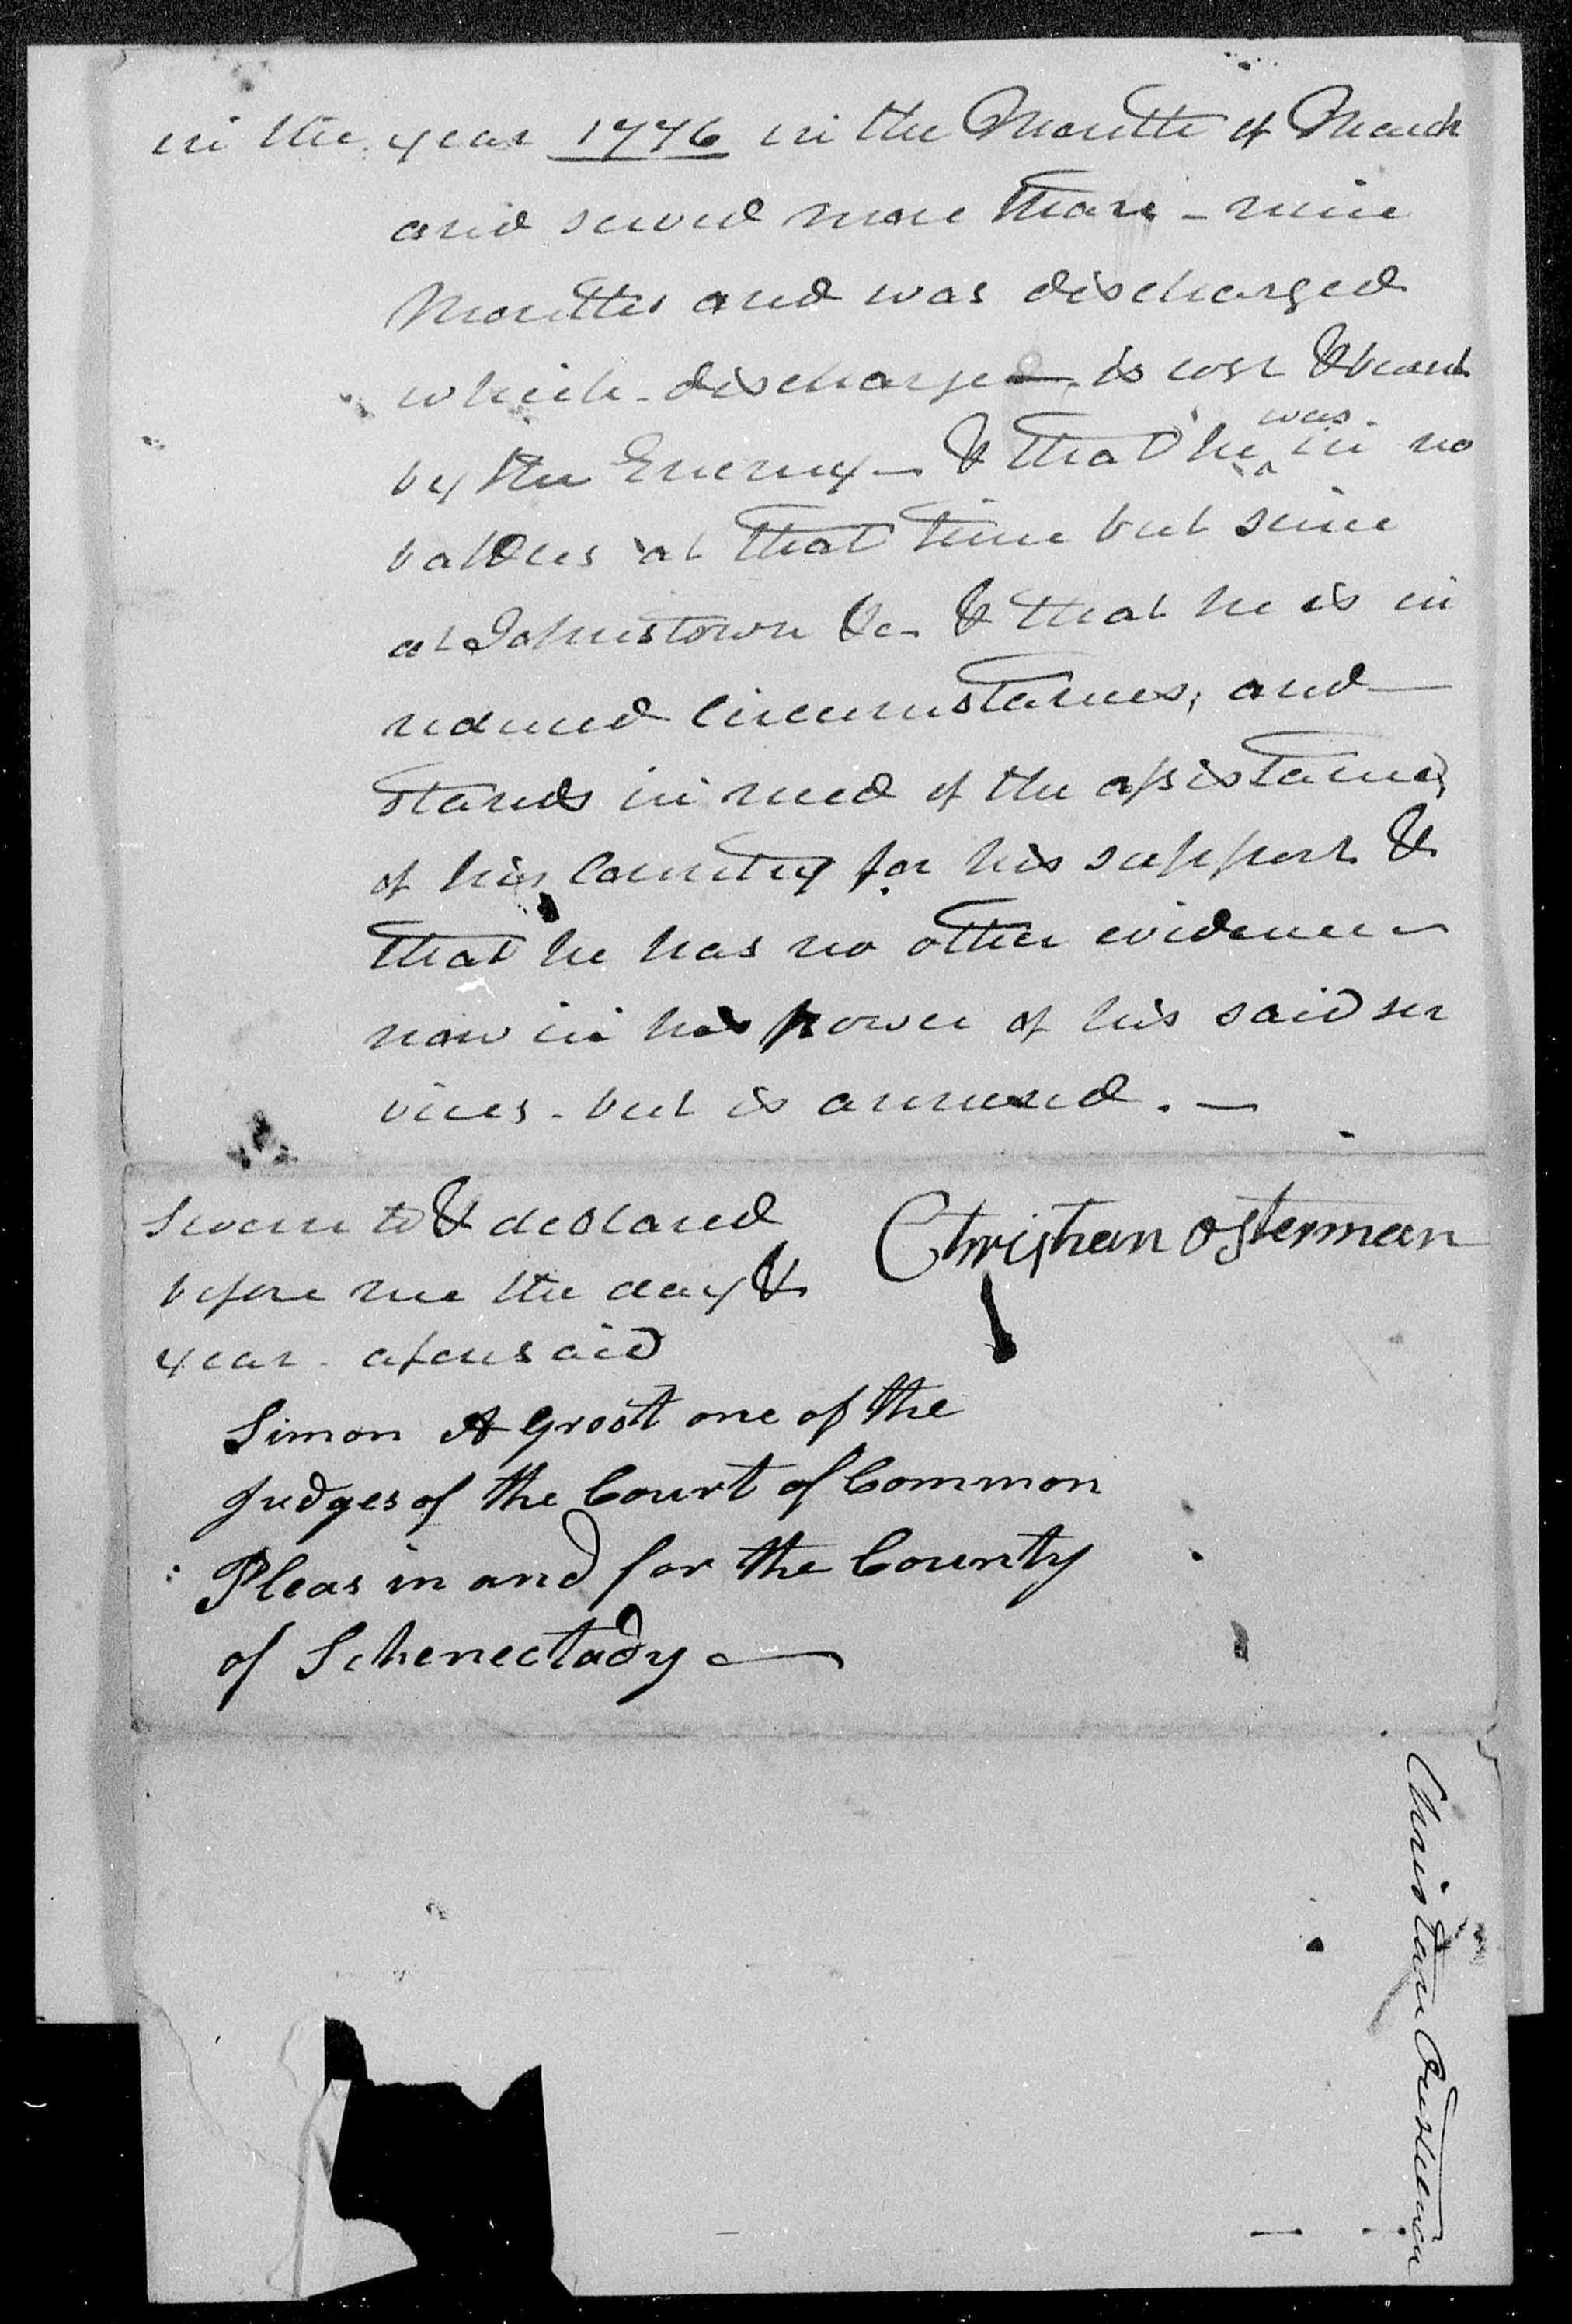in the year 1776 in the Marret and Nyack and served more than nine months and was discharged an cot by the enemy and that he was in no battles at that time but since at Johnstown and that he in in reduced circumstances and stands in need of the assistance of his country for his support and that he has no other evidence near in his power of his said services bit is annexed. 
Christian Osterman 

Sworn to & declared 
before me the day and year 
aforesaid
Simon A Groot one of the Judges of the court of Common Pleas in and for the county of Schenectady

Christian Osterman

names: Simon A Groot; Christian Osterman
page: 5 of 40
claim: widow's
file: W. 21876, for Christian Osterman, New York